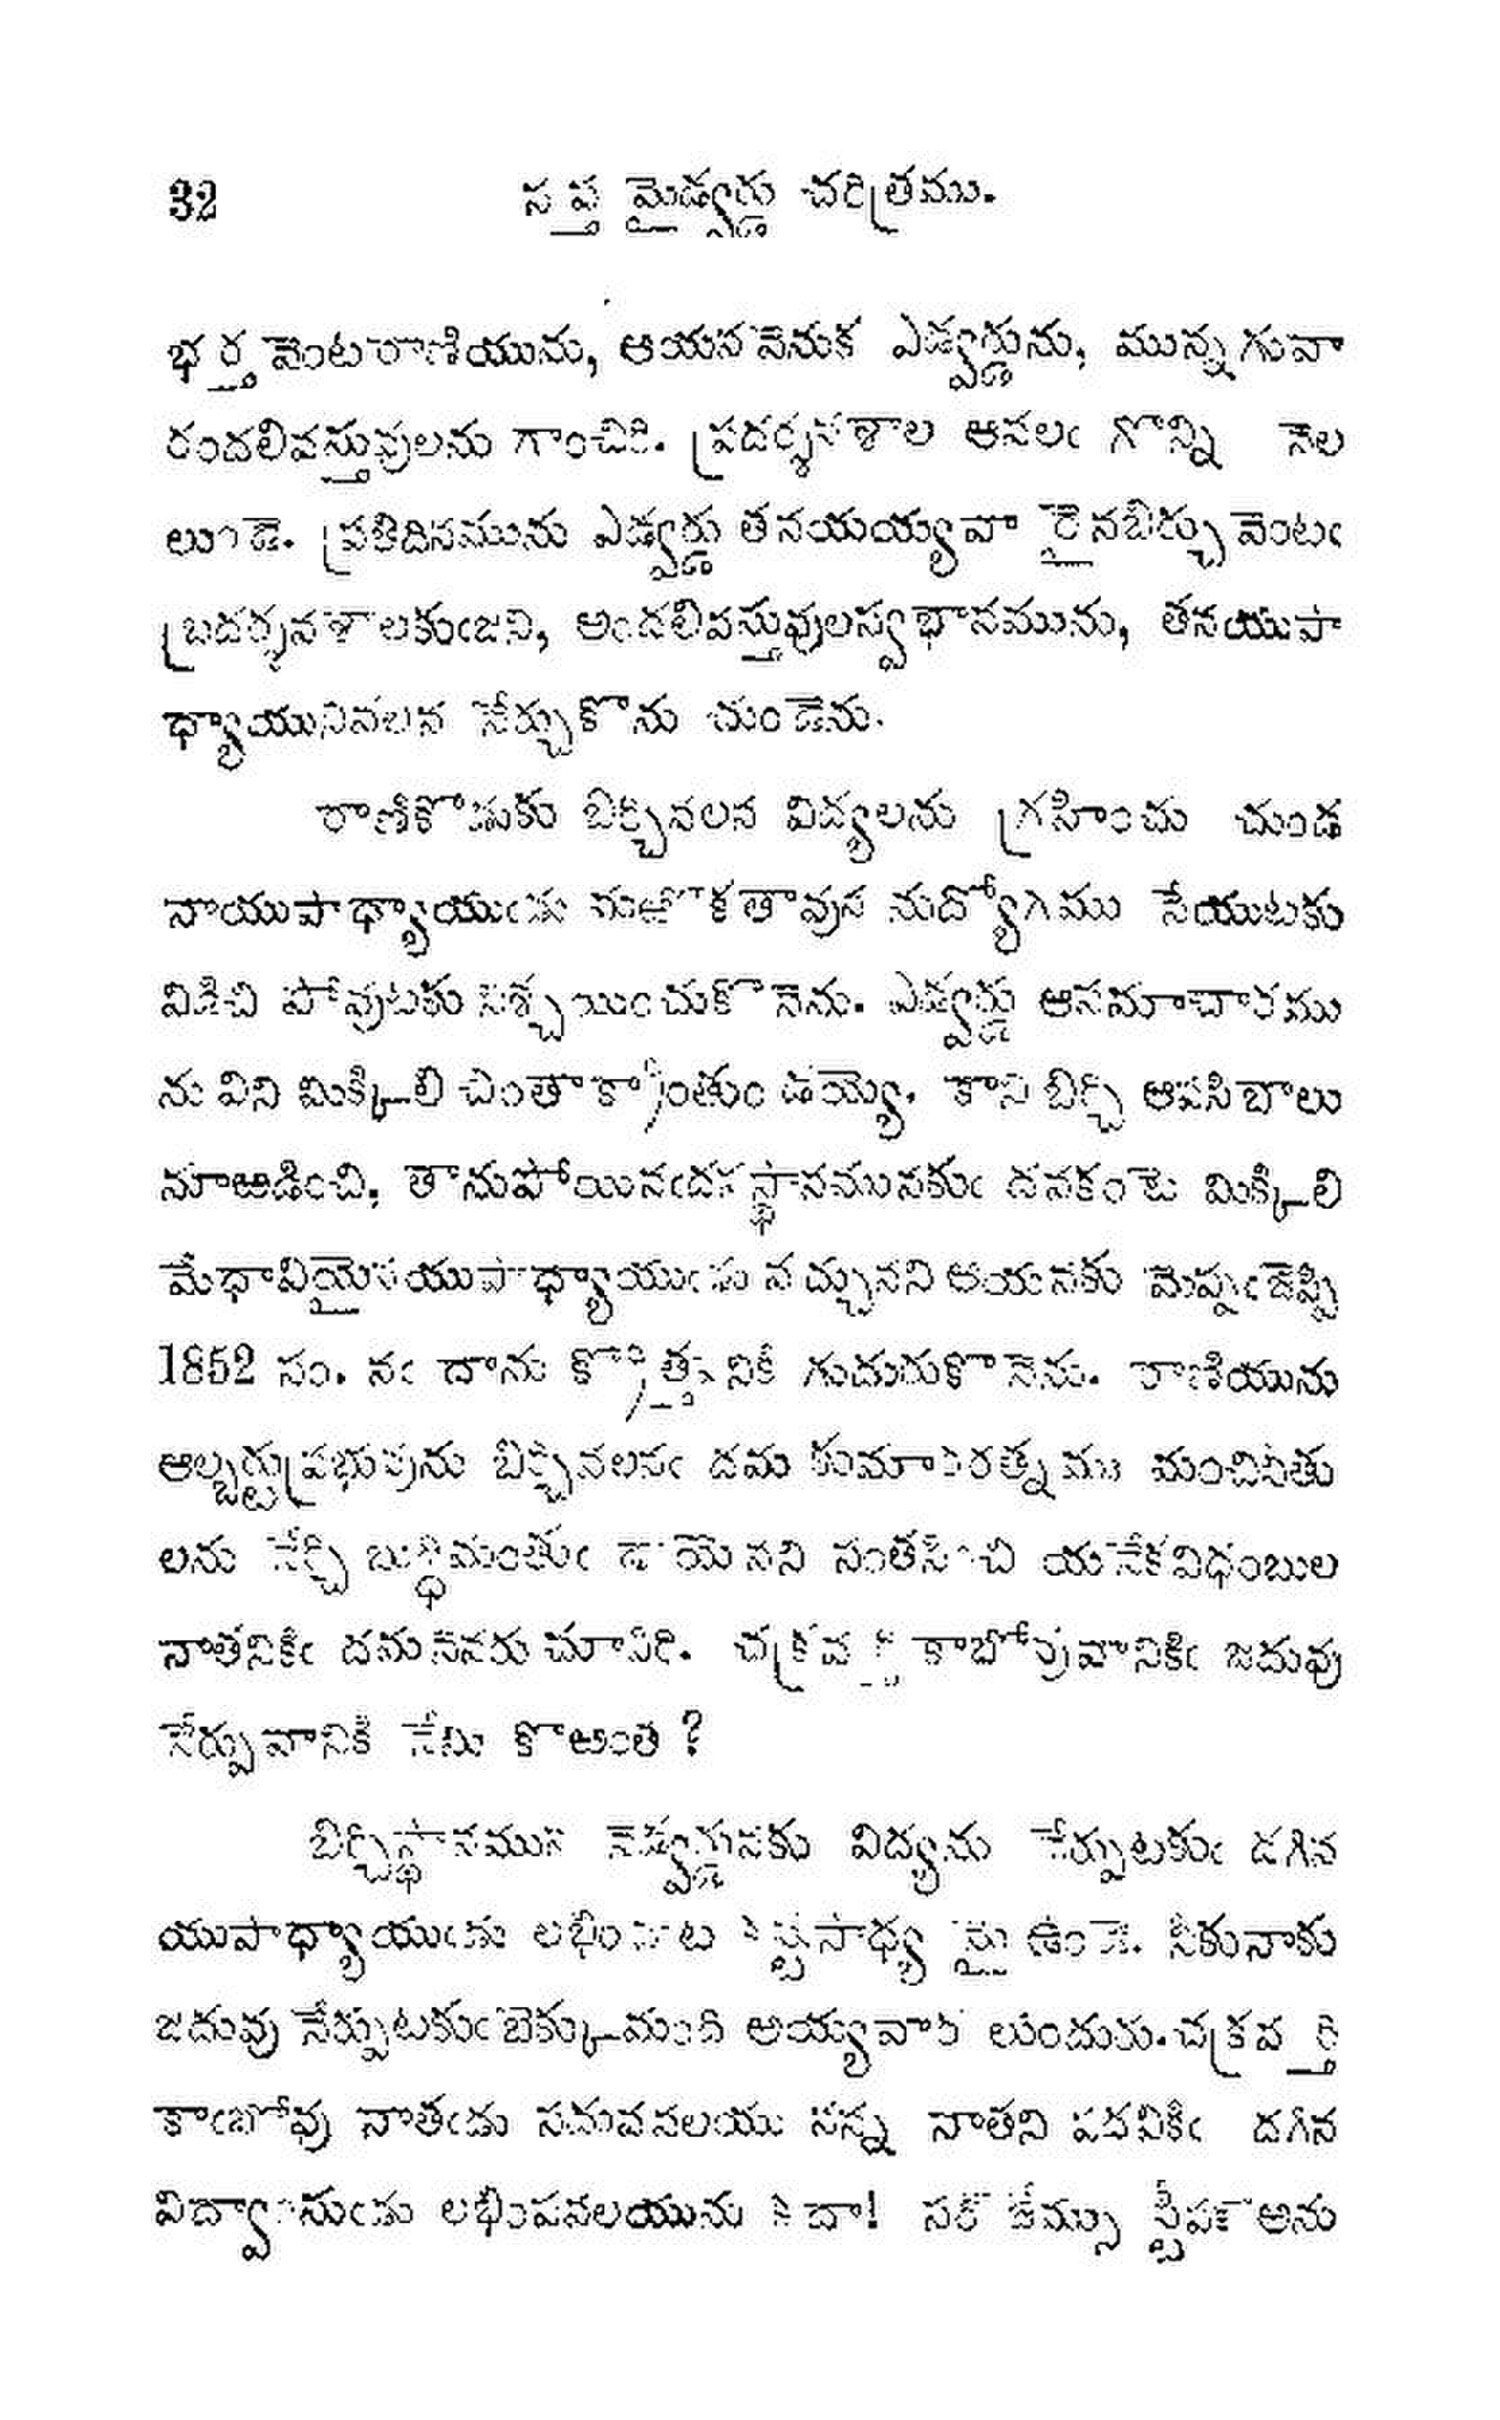భర్త వెంట రాణియును, ఆయన వెనుక ఎశ్వర్డును, మున్నగువారందలివస్తువులను గాంచిరి. ప్రదర్శనశాల ఆవలఁ గొన్ని నెలలుండె. ప్రతిదినమును ఎడ్వర్డు తనయయ్య వా రైనబర్చు వెంటబ్రదర్శన శాలకుఁజని, అందలి వస్తువుల స్వభానమును, తనయుపాధ్యాయుసేనలను నేర్చుకొను నుండెను.

రాణీకొడుకు బీర్చవలన విద్యలను గ్రహించు చుండ నాయుపాధ్యాయుడు మరొక తావున నుద్యోగము సేయుటకు విడిచి పోవుటకు నిశ్చయించుకొనెను. ఎశ్వర్లు ఆసమాచారమును విని మిక్కిలి చింతాకాంతుం ఉయ్యె, 'కాని బిర్చిఅ.పసి బాలు నూరడించి, తానుపోయినఁద స్థానమునకుఁ దనకంటే మిక్కిలి మేధానియైన యుపాధ్యాయుడుసు వచ్చునని ఆయనకు నప్పు చెప్పి
1852 సం. నఁ తాను కొత్త పనికీ గుదురుకొనెను. రాణియును ఆల్బర్టు ప్రభువును బిర్చివలనఁ దమ కుమారరత్నము మంచినీతులను నేర్చి బుద్ధిమంతుఁ డాయెసని సంతసిం చి యనేక విధంబుల
నాతనికిఁ దమ ననరు చూపిరి. చక్రవర్తి కాబోవువానికిఁ జదువునేర్పు దానికి నేమి కొఱంత ?

బిర్భస్థానము నెడ్వర్డునకు విద్యను నేర్పుటకుఁ దగిన యుపాధ్యాయులు లభించు ట కష్టసాధ్యమై ఉండె. నీకు నాకుజదువు నేర్పుటకుఁ బెక్కు మంది అయ్యవా లుందురు. చక్రవర్తి
కాబోవు నాతఁడు సదువసలయు నన్న నాతని పదవికీ దగినవిద్వా ంసుఁడు లబింపవలయును కదా! సర్ జేమ్సు స్టీపన్ అను